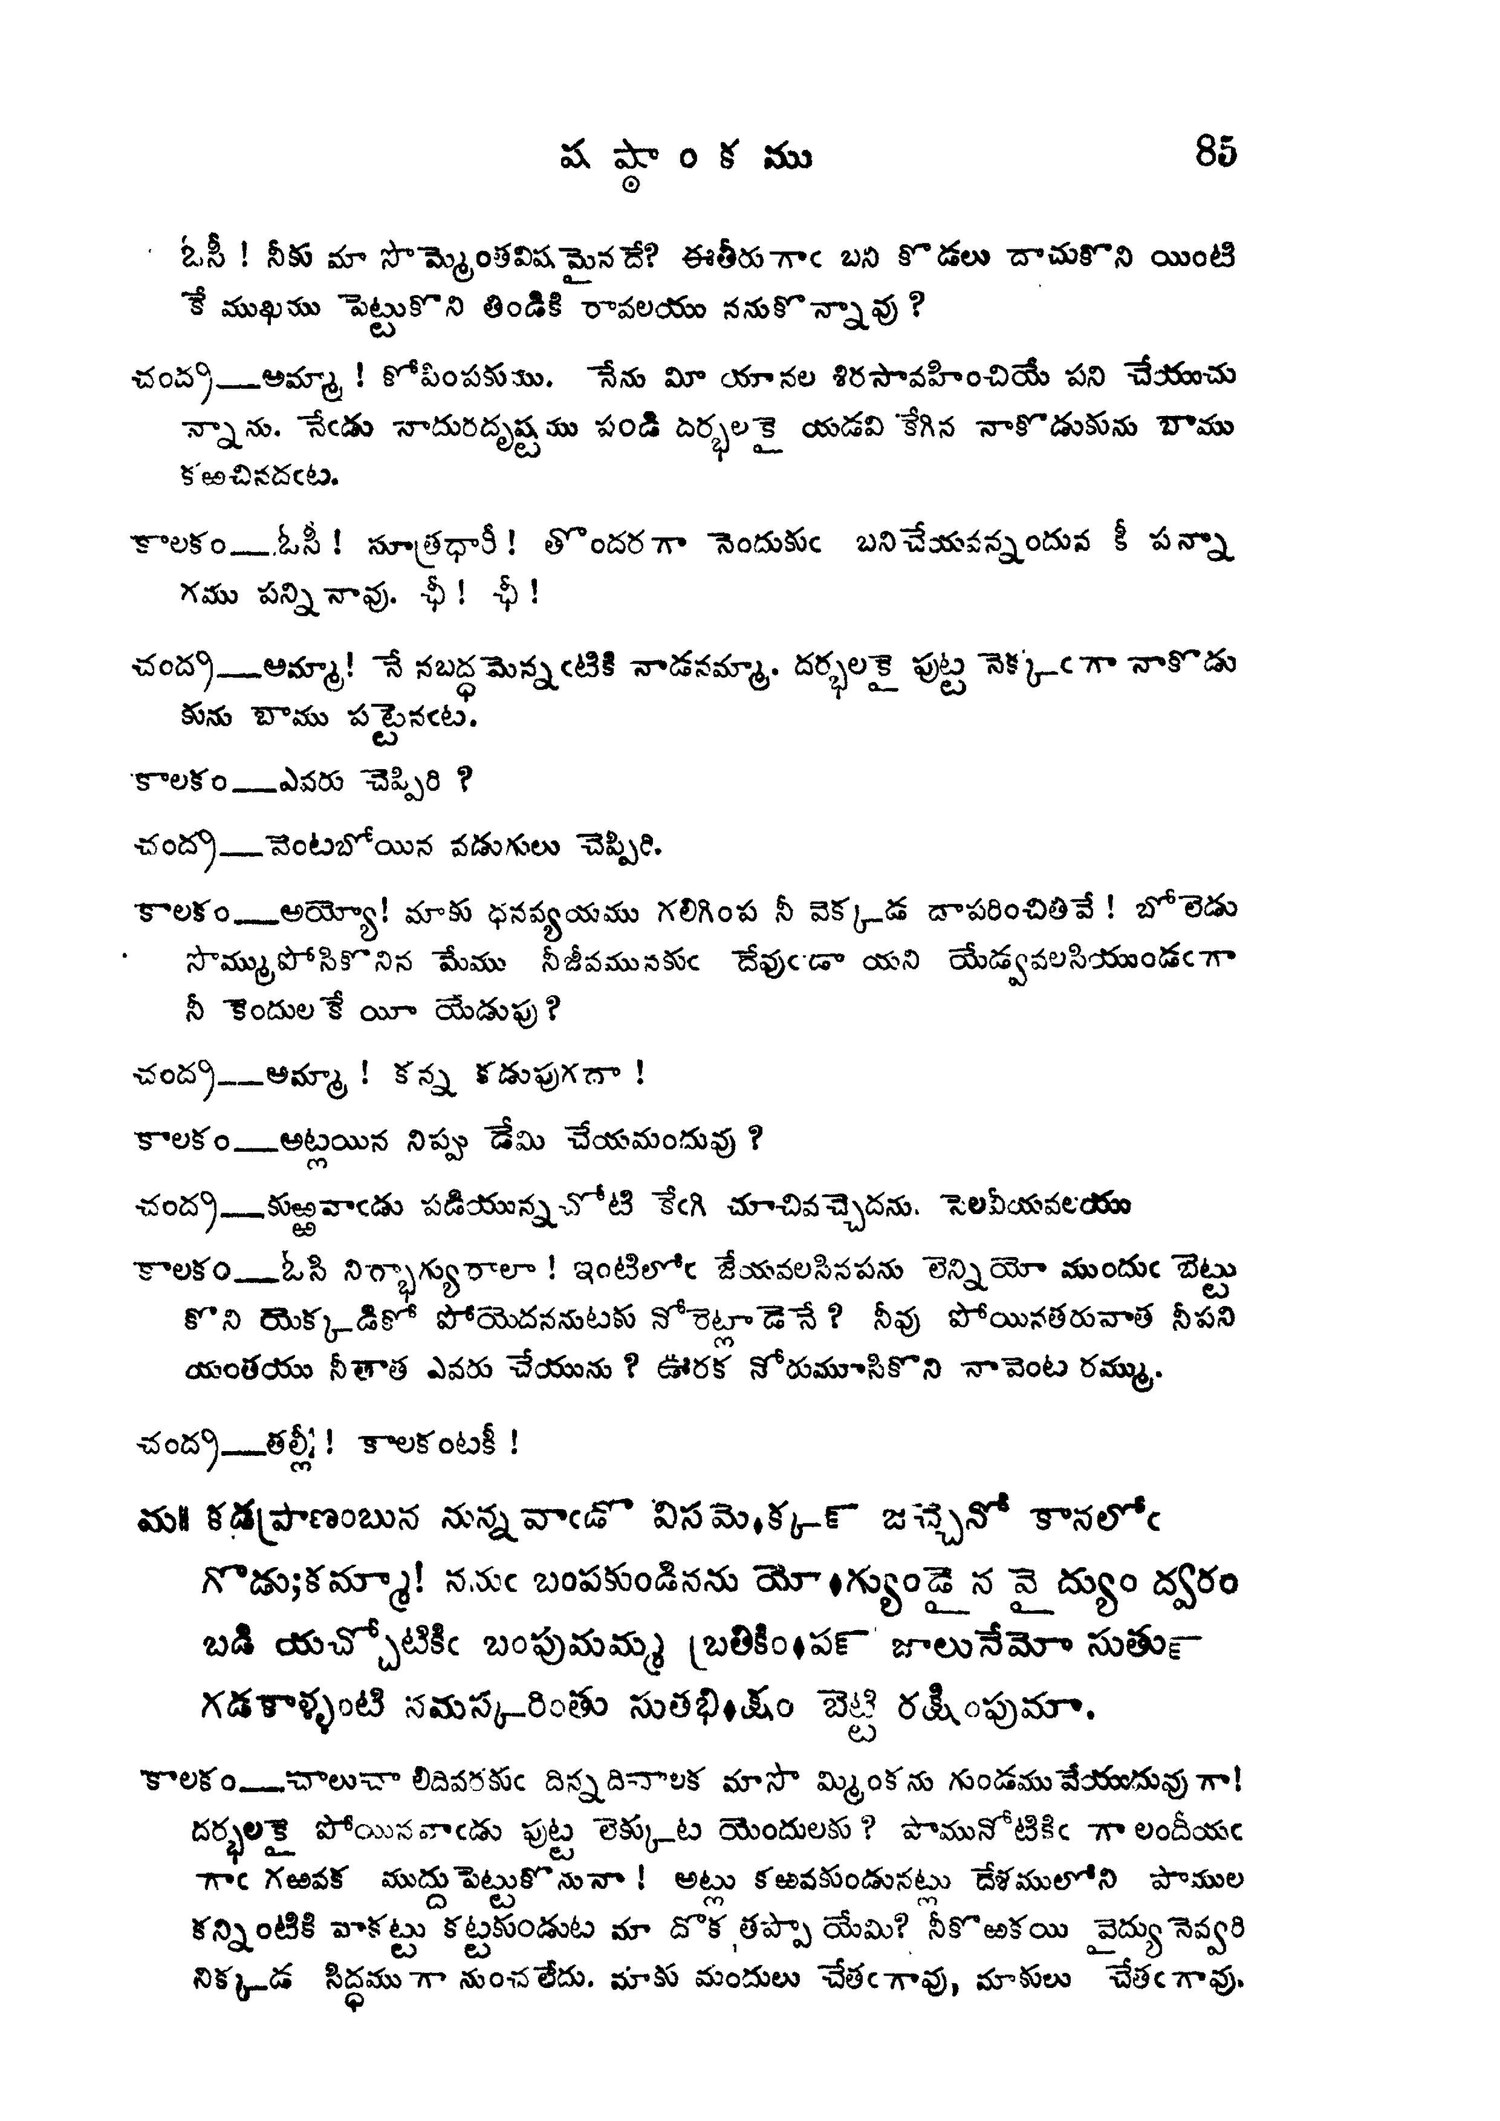ఓసీ! నీకు మాసొమ్మెంత విషమైనదే! ఈ తీరుగా బనికొడలు దాఁచుకొని యింటికే ముఖము పెట్టుకొని తిండికి రావలయు ననుకొన్నావు?

చంద్ర - 	అమ్మా, కోపింపకుము. నేను మీ యానల శిరసావహించియే పని చేయుచున్నాను. నేఁడు నా దురదృష్టము పండి దర్భలకై యడవికేగిన నా కొడుకును బాము కఱచినదఁట.

కాలకం - 	ఓసీ, సూత్రధారీ! తొందరగా నెందుకుఁ బనిచేయవన్నందునకీ పన్నాగము పన్నినావు! ఛీ! ఛీ!

చంద్ర - 	అమ్మా! నే నబద్ధ మెన్నటికి నాడనమ్మా! దర్భలకై పుట్టనెక్కగా నా కొడుకును బాము పట్టెనఁట.

కాలకం - 	ఎవరు చెప్పిరి?

చంద్ర - 	వెంటబోయిన వడుగులు చెప్పిరి.

కాలకం - 	అయ్యో! మాకు ధనవ్యయంబు గలిగింప నీవెక్కడ దాపురించితివే? బోలెడు ధనముపోసి కొనిన
మేము నీ జీవనమునకు దేవుడాయని యేడ్వవలసి యుండఁగా నీకెందులకే యీ యేడుపు?

చంద్ర - 	అమ్మా! కన్నకడుపుగదా?

కాలకం - 	అట్లయిన నిప్పుడేమి చేయమందువు?

చంద్ర - 	కుఱ్ఱవాడు పడియున్న చోటకేగి చూచి వచ్చెదను. సెలవీయవలయును.

కాలకం - 	ఓసీ, నిర్భాగ్యురాలా! ఇంటిలో జేయవలసినఁ బనులెన్నియో ముందుఁ బెట్టుకొని యెక్కడకో
పోయెదననుటకు నోరెట్లాడెనే? నీవు పోయిన తరువాత నీ పని యంతయు నీ తాత యెవరు చేయును?
ఊఱక నోరుమూసుకొని నా వెంట రమ్ము.

చంద్ర - 	తల్లీ, కాలకంటకీ!

మ. 	కడ ప్రాణంబున నున్నవాఁడొ, విసమెక్కన్‌ జచ్చెనో కానలోఁ
గొడుకమ్మా! ననుఁ బంపకుండినను యోగ్యుండైన వైద్యుం ద్వరం
బడి యచ్చోటికిఁ బంపుమమ్మ బ్రతికింపం జాలునేమో సుతున్‌
గడ కాళ్ళంటి నమస్కరింతు సుతభిక్షం బెట్టి రక్షింపుమా.

కాలకం -	చాలు చాలిదివఱకుఁ దిన్నది చాలక మాసొమ్మింకను గుండము వేయుదువుగా! దర్భలకు పోయినవాడు పుట్టలెక్కుట యెందులకు? పాము నోటికి గాలందీయఁగాఁ గఱవక ముద్దు పెట్టు కొనునా! కఱవకుండునట్లు దేశములోని పాముల కన్నింటికి వాకట్టు కట్టకుండుట మాతప్పాయేమి? నీ కొఱకై వైద్యునెవ్వరి నిక్కడ సిద్ధముగా నుంచలేదు. మాకు మందులు చేతఁగావు.